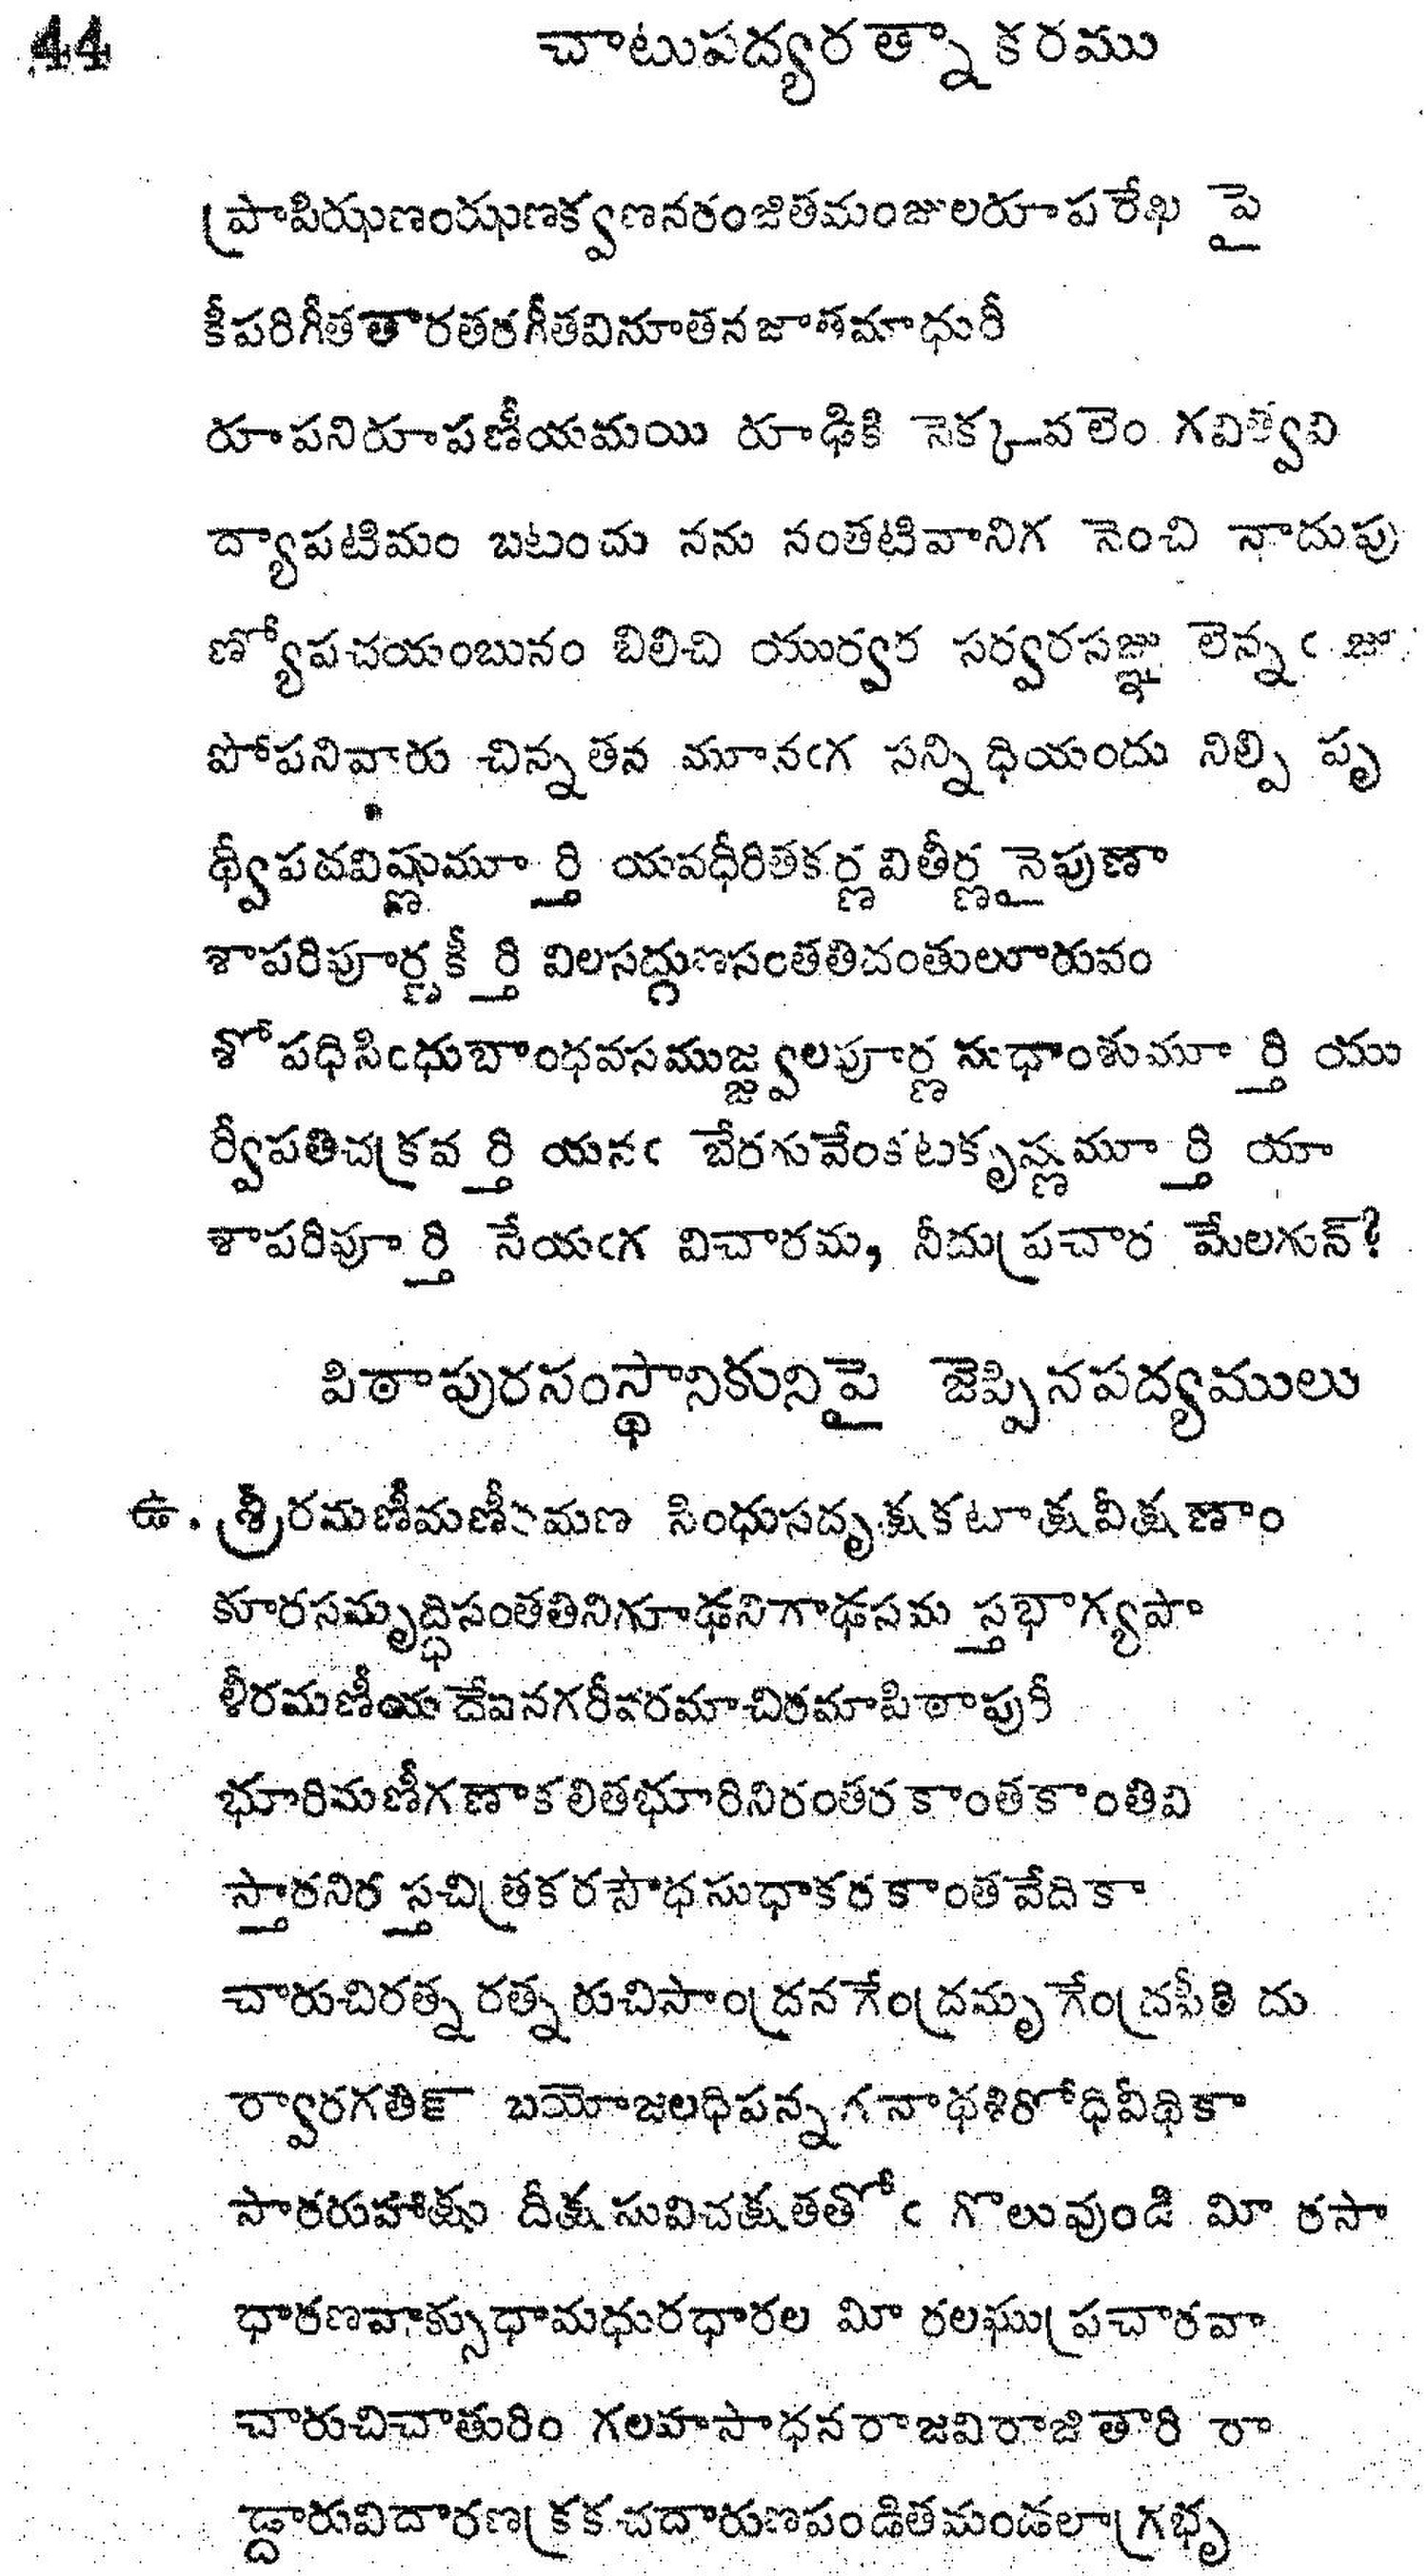ప్రాపిఝణంఝణక్వణనరంజితమంజులరూపరేఖ పై
 కీపరిగీతతారతరగీతవినూతనజాతమాధురీ
 రూపనిరూపణీయమయి రూఢికి నెక్కవలెం గవిత్వవి
 ద్యాపటిమం బటంచు నను నంతటివానిహ నెంచి నాదుపు
 ణ్యోపచయంబునం బిలిచి యుర్వర సర్వరసజ్ఞు లెన్నఁ జూ
 పోపనివారు చిన్నతన మూనఁగ సన్నిధియందు నిల్పి పృ
 థ్వీపదవిష్ణుమూర్తి యవధీరితకర్ణవితీర్ణనైపుణా
 శాపరిపూర్ణకీర్తి విలసద్గుణసంతతిదంతులూరువం
 శోబధిసింధుబాధవసముజ్జ్వలపూర్ణసుధాంశుమూర్తి యు
 ర్వీపతిచక్రవర్తి యనఁ బేరగువేంకటకృష్ణమూర్తి యా
 శాపరిపూర్తి సేయఁగ విచారమ, నీదుప్రచార మేలగున్?

పిఠాపురసంస్థానికునిపై జెప్పిన పద్యములు—

ఉ. శ్రీరమణీమణీరమణ సింధుసదృక్షకటాక్షవీక్షణాం
 కూరసమృద్ధిసంతతినిగూఢనిగాఢసమస్తభాగ్యపా
 ళీరమణీయదేవనగరీవరమాచిరమాపిఠాపురీ
 భూరిమణీగణాకలితభూరినిరంతరకాంతకాంతివి
 స్తారనిరస్తచిత్రకరసౌధసుధాకరకాంతవేదికా
 చారుచిరత్నరత్నరుచిసాంద్రనగేంద్రమృగేంద్రపీఠి దు
 ర్వారగతిన్ బయోజలధిపన్నగనాథశిరాధివీథికా
 సారరుహాక్షు దీక్షసువిచక్షతతోఁ గొలువుండి మీ రసా
 ధారణవాక్సుధామధురధారల మీ రలఘుప్రచారవా
 చారుచిచాతురిం గలహసాధనరాజవిరాజితారి రా
 డ్దారువిదారణక్రకచదారుణపండితమండలాగ్రభృ